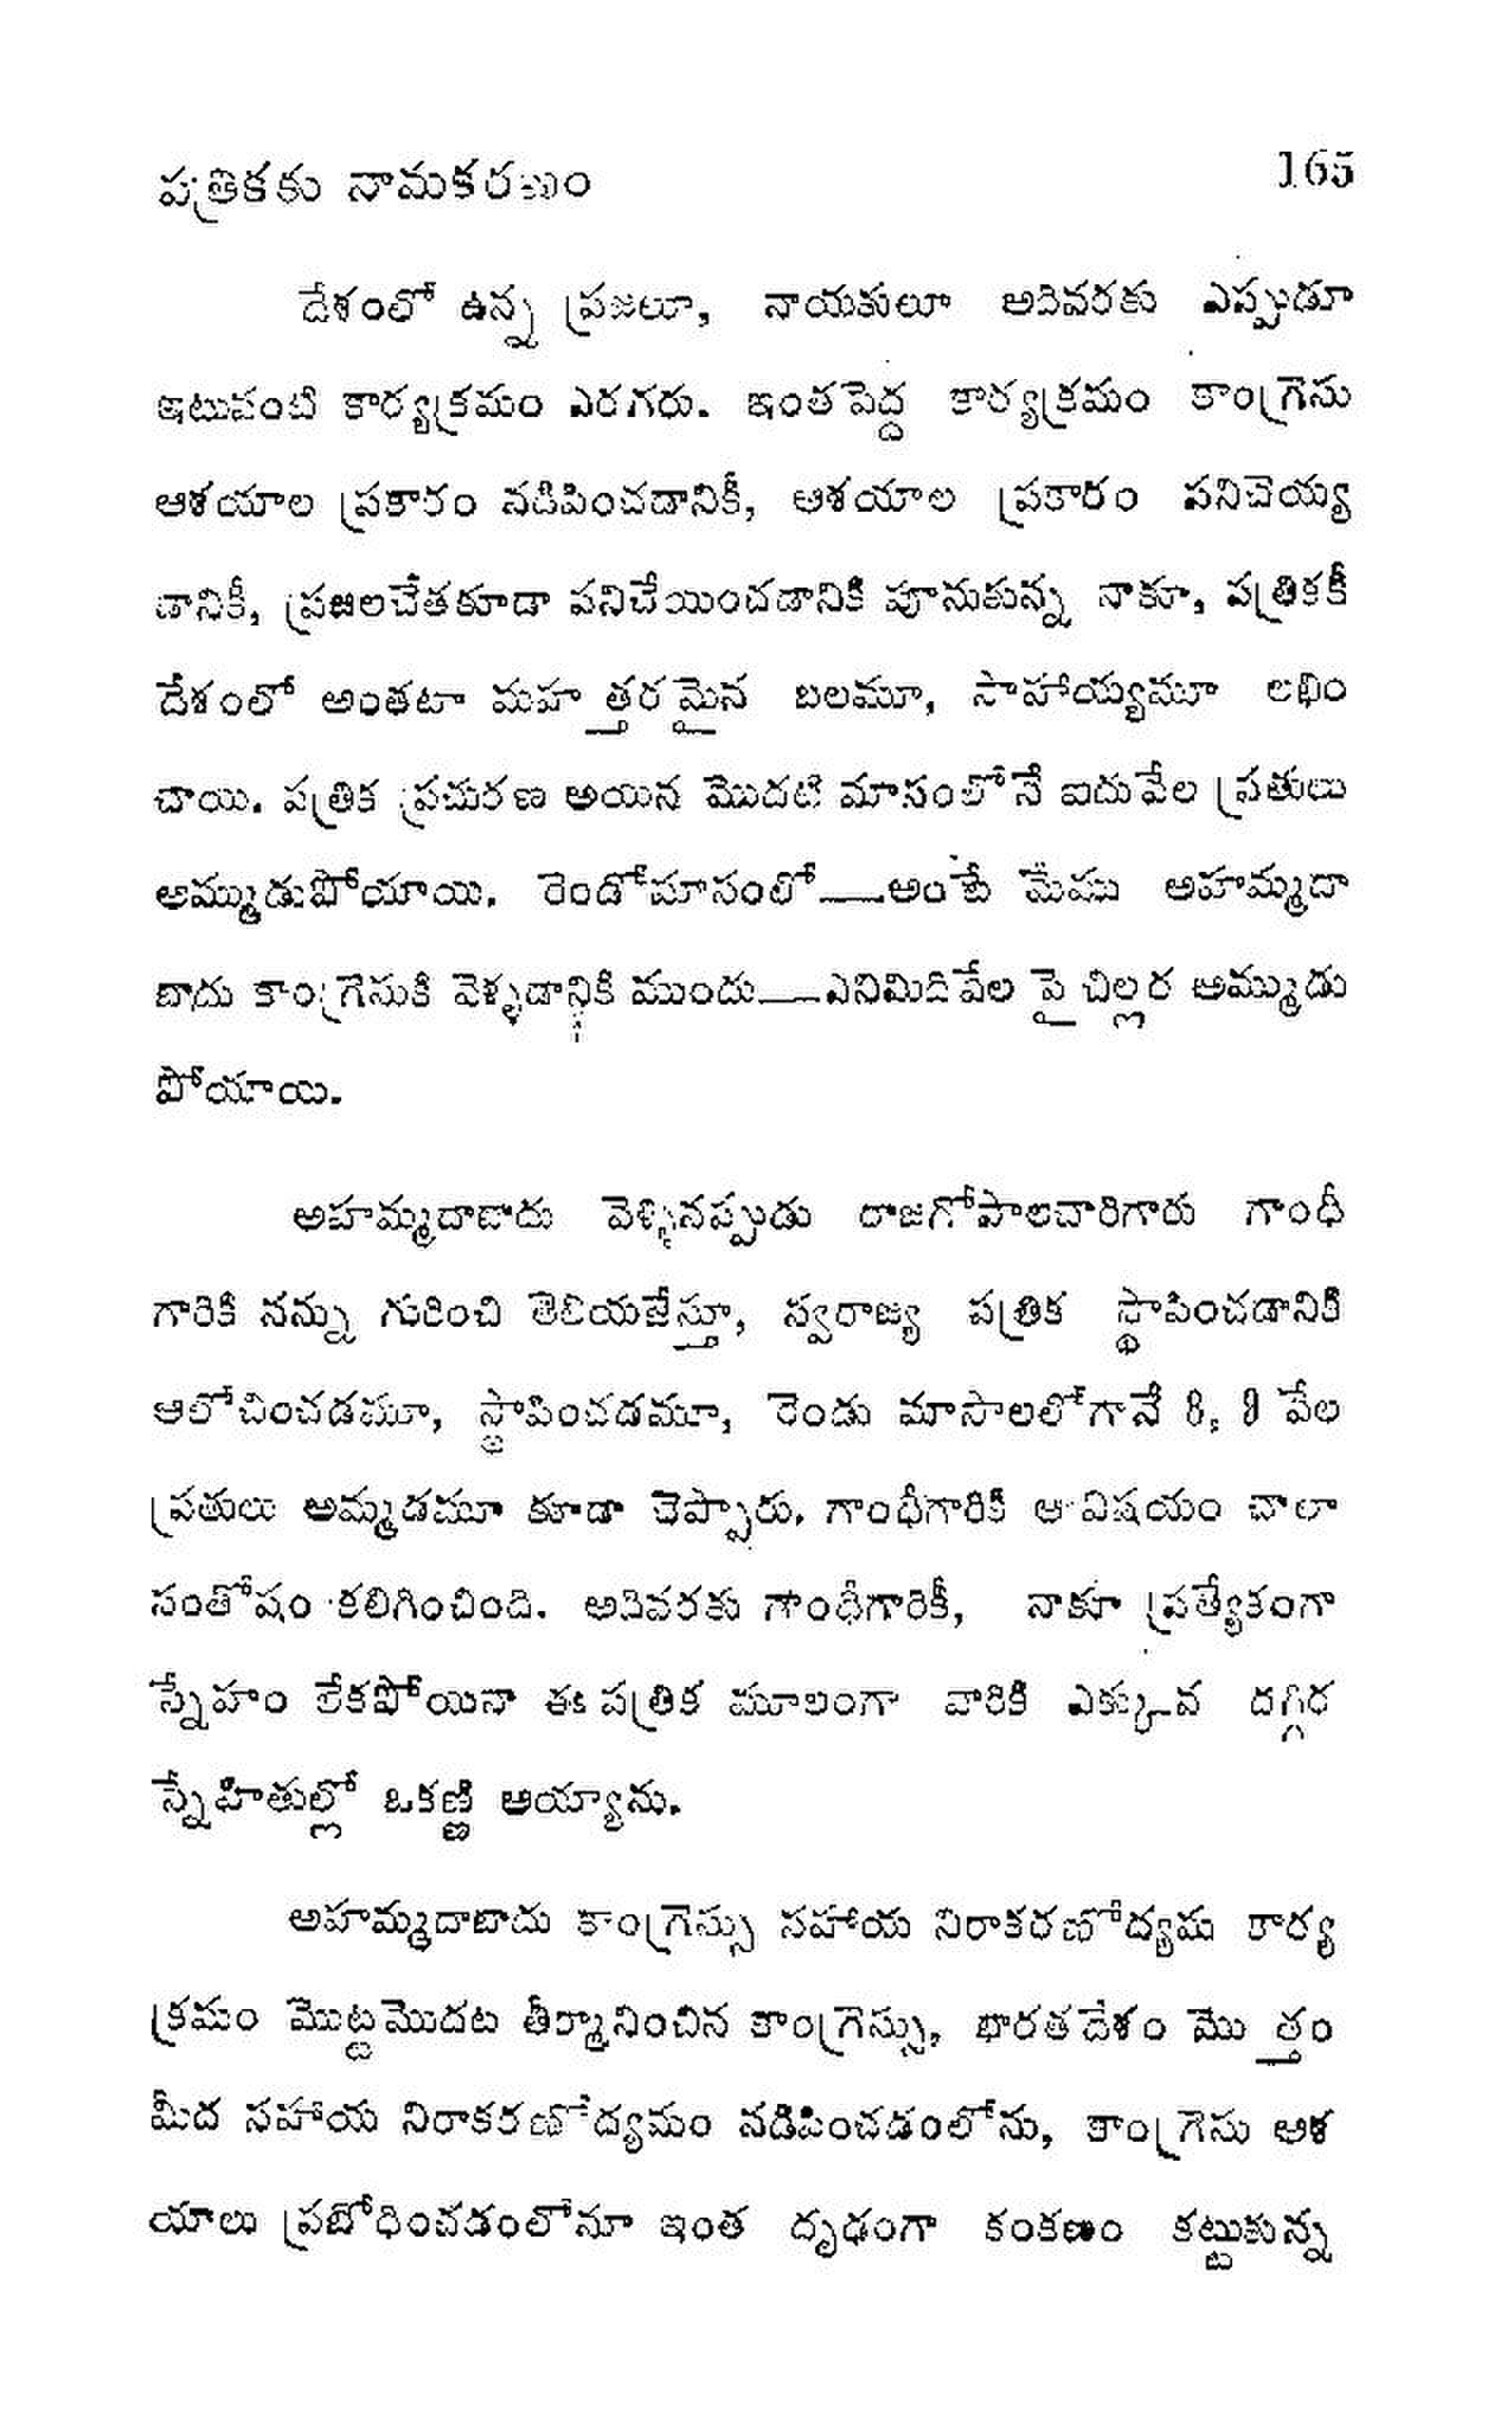దేశంలో ఉన్న ప్రజలూ, నాయకులూ అదివరకు ఎప్పుడూ ఇటువంటి కార్యక్రమం ఎరుగరు. ఇంతపెద్ద కార్యక్రమం కాంగ్రెసు ఆశయాల ప్రకారం నడిపించడానికీ, ఆశయాల ప్రకారం పనిచెయ్యడానికీ, ప్రజలచేతకూడా పనిచేయించడానికి పూనుకున్న నాకూ, పత్రికకీ దేశంలో అంతటా మహత్తరమైన బలమూ, సాహాయ్యమూ లభించాయి. పత్రిక ప్రచురణ అయిన మొదటి మాసంలోనే ఐదువేల ప్రతులు అమ్ముడుపోయాయి. రెండోమాసంలో - అంటే మేము అహమ్మదాబాదు కాంగ్రెసుకి వెళ్ళడానికి ముందు - ఎనిమిదివేల పై చిల్లర అమ్ముడు పోయాయి.

అహమ్మదాబాదు వెళ్ళినప్పుడు రాజగోపాలాచారిగారు గాంధీగారికి నన్ను గురించి తెలియజేస్తూ, స్వరాజ్య పత్రిక స్థాపించడానికి ఆలోచించడమూ, స్థాపించడమూ, రెండు మాసాలలోగానే 8, 9 వేల ప్రతులు అమ్మడమూ కూడా చెప్పారు. గాంధీగారికి ఆ విషయం చాలా సంతోషం కలిగించింది. అదివరకు గాంధీగారికీ, నాకూ ప్రత్యేకంగా స్నేహం లేకపోయినా ఈ పత్రిక మూలంగా వారికి ఎక్కువ దగ్గిర స్నేహితుల్లో ఒకణ్ణి అయ్యాను.

అహమ్మదాబాదు కాంగ్రెస్సు సహాయ నిరాకరణోద్యమ కార్యక్రమం మొట్టమొదట తీర్మానించిన కాంగ్రెస్సు, భారతదేశం మొత్తంమీద సహాయ నిరాకరణోద్యం నడిపించడంలోను, కాంగ్రెసు ఆశయాలు ప్రబోధించడంలోనూ ఇంత దృఢంగా కంకణం కట్టుకున్న